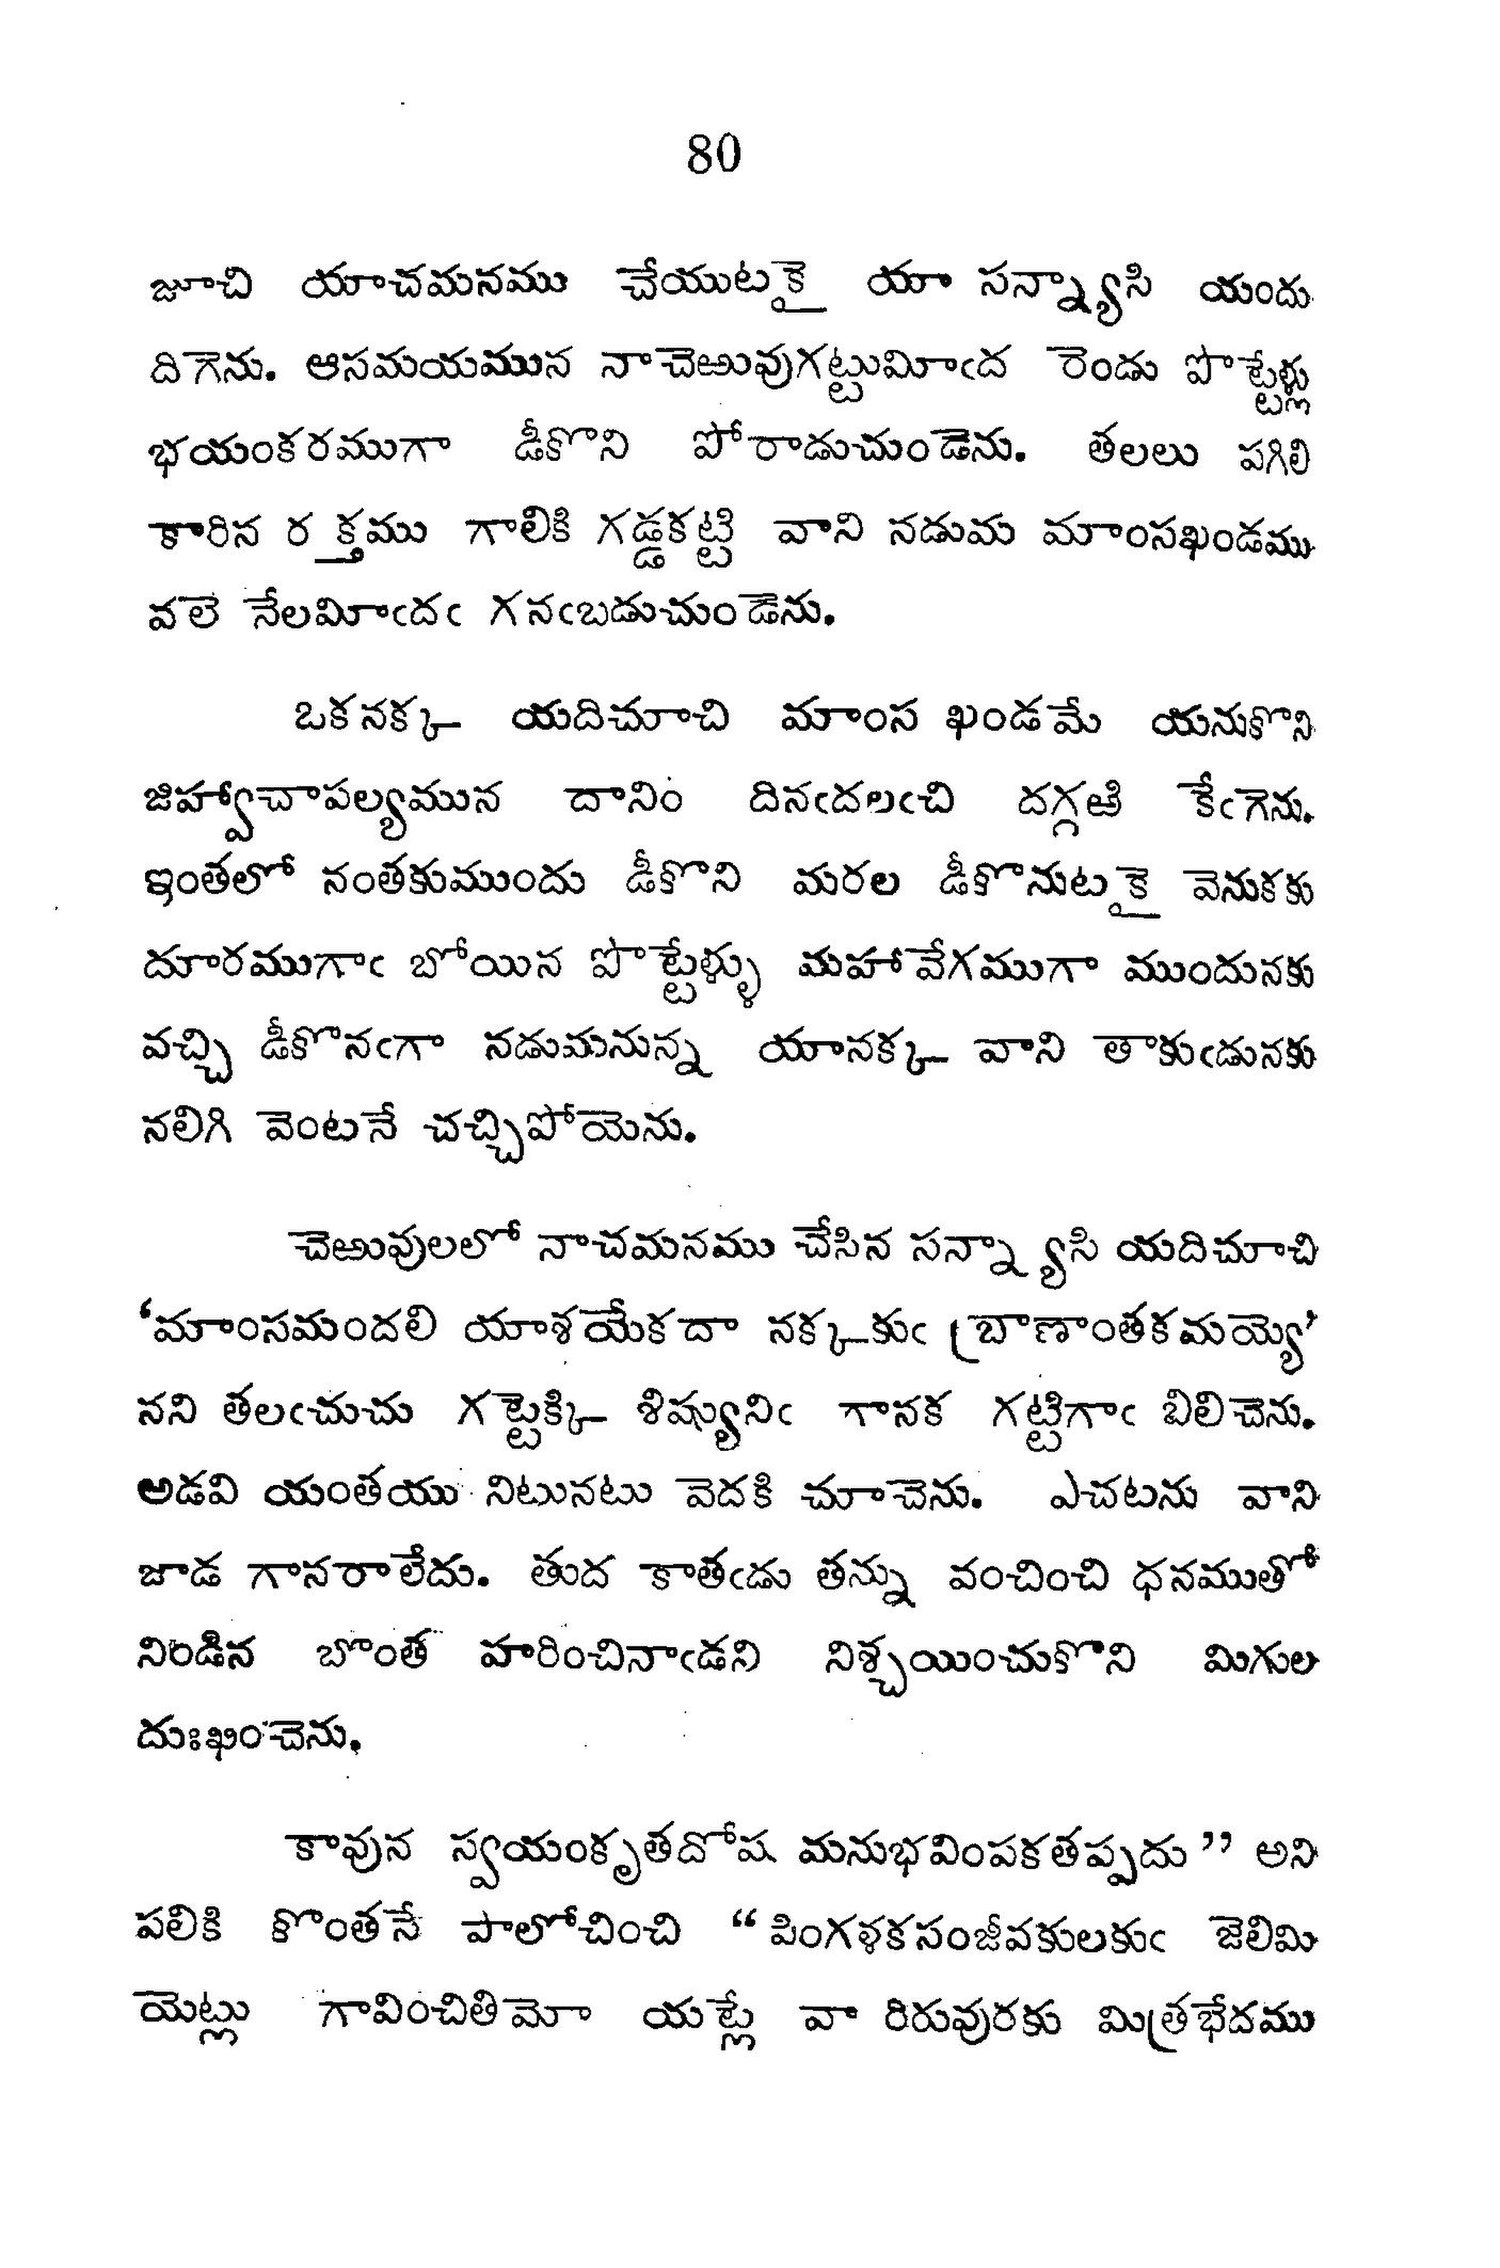జూచి యాచమనము చేయుటకై యా సన్న్యాసి యందు దిగెను. ఆసమయమున నా చెఱువుగట్టుమీద రెండు పొట్టేళ్లు భయంకరముగా డీకొని పోరాడుచుండెను. తలలు పగిలి కారిన రక్తము గాలికి గడ్డకట్టి వాని నడుమ మాంసఖండము వలె నేలమీద గనబడుచుండెను.

ఒకనక్క యదిచూచి మాంస ఖండమే యనుకొని జిహ్వాచాపల్యమున దానిం దినదలచి దగ్గఱి కేగెను. ఇంతలో నంతకుముందు డీకొని మరల డీకొనుటకై వెనుకకు దూరముగా బోయిన పొట్టేళ్ళు మహావేగముగా ముందునకు వచ్చి డీకొనగా నడుమనున్న యానక్క వాని తాకుడునకు నలిగి వెంటనే చచ్చిపోయెను.

చెఱువులలో నాచమనము చేసిన సన్న్యాసి యదిచూచి 'మాంసమందలి యాశయేకదా నక్కకు బ్రాణాంతకమయ్యె' నని తలచుచు గట్టెక్కి శిష్యుని గానక గట్టిగా బిలిచెను. అడవి యంతయు నిటునటు వెదకి చూచెను. ఎచటను వాని జాడ గానరాలేదు. తుద కాతడు తన్ను వంచించి ధనముతో నిండిన బొంత హరించినాడని నిశ్చయించుకొని మిగుల దు:ఖించెను.

కావున స్వయంకృతదోష మనుభవింపకతప్పదు" అని పలికి కొంతసే పాలోచించి "పింగళకసంజీవకులకు జెలిమి యెట్లు గావించితిమో యట్లే వా రిరువురకు మిత్రభేదము